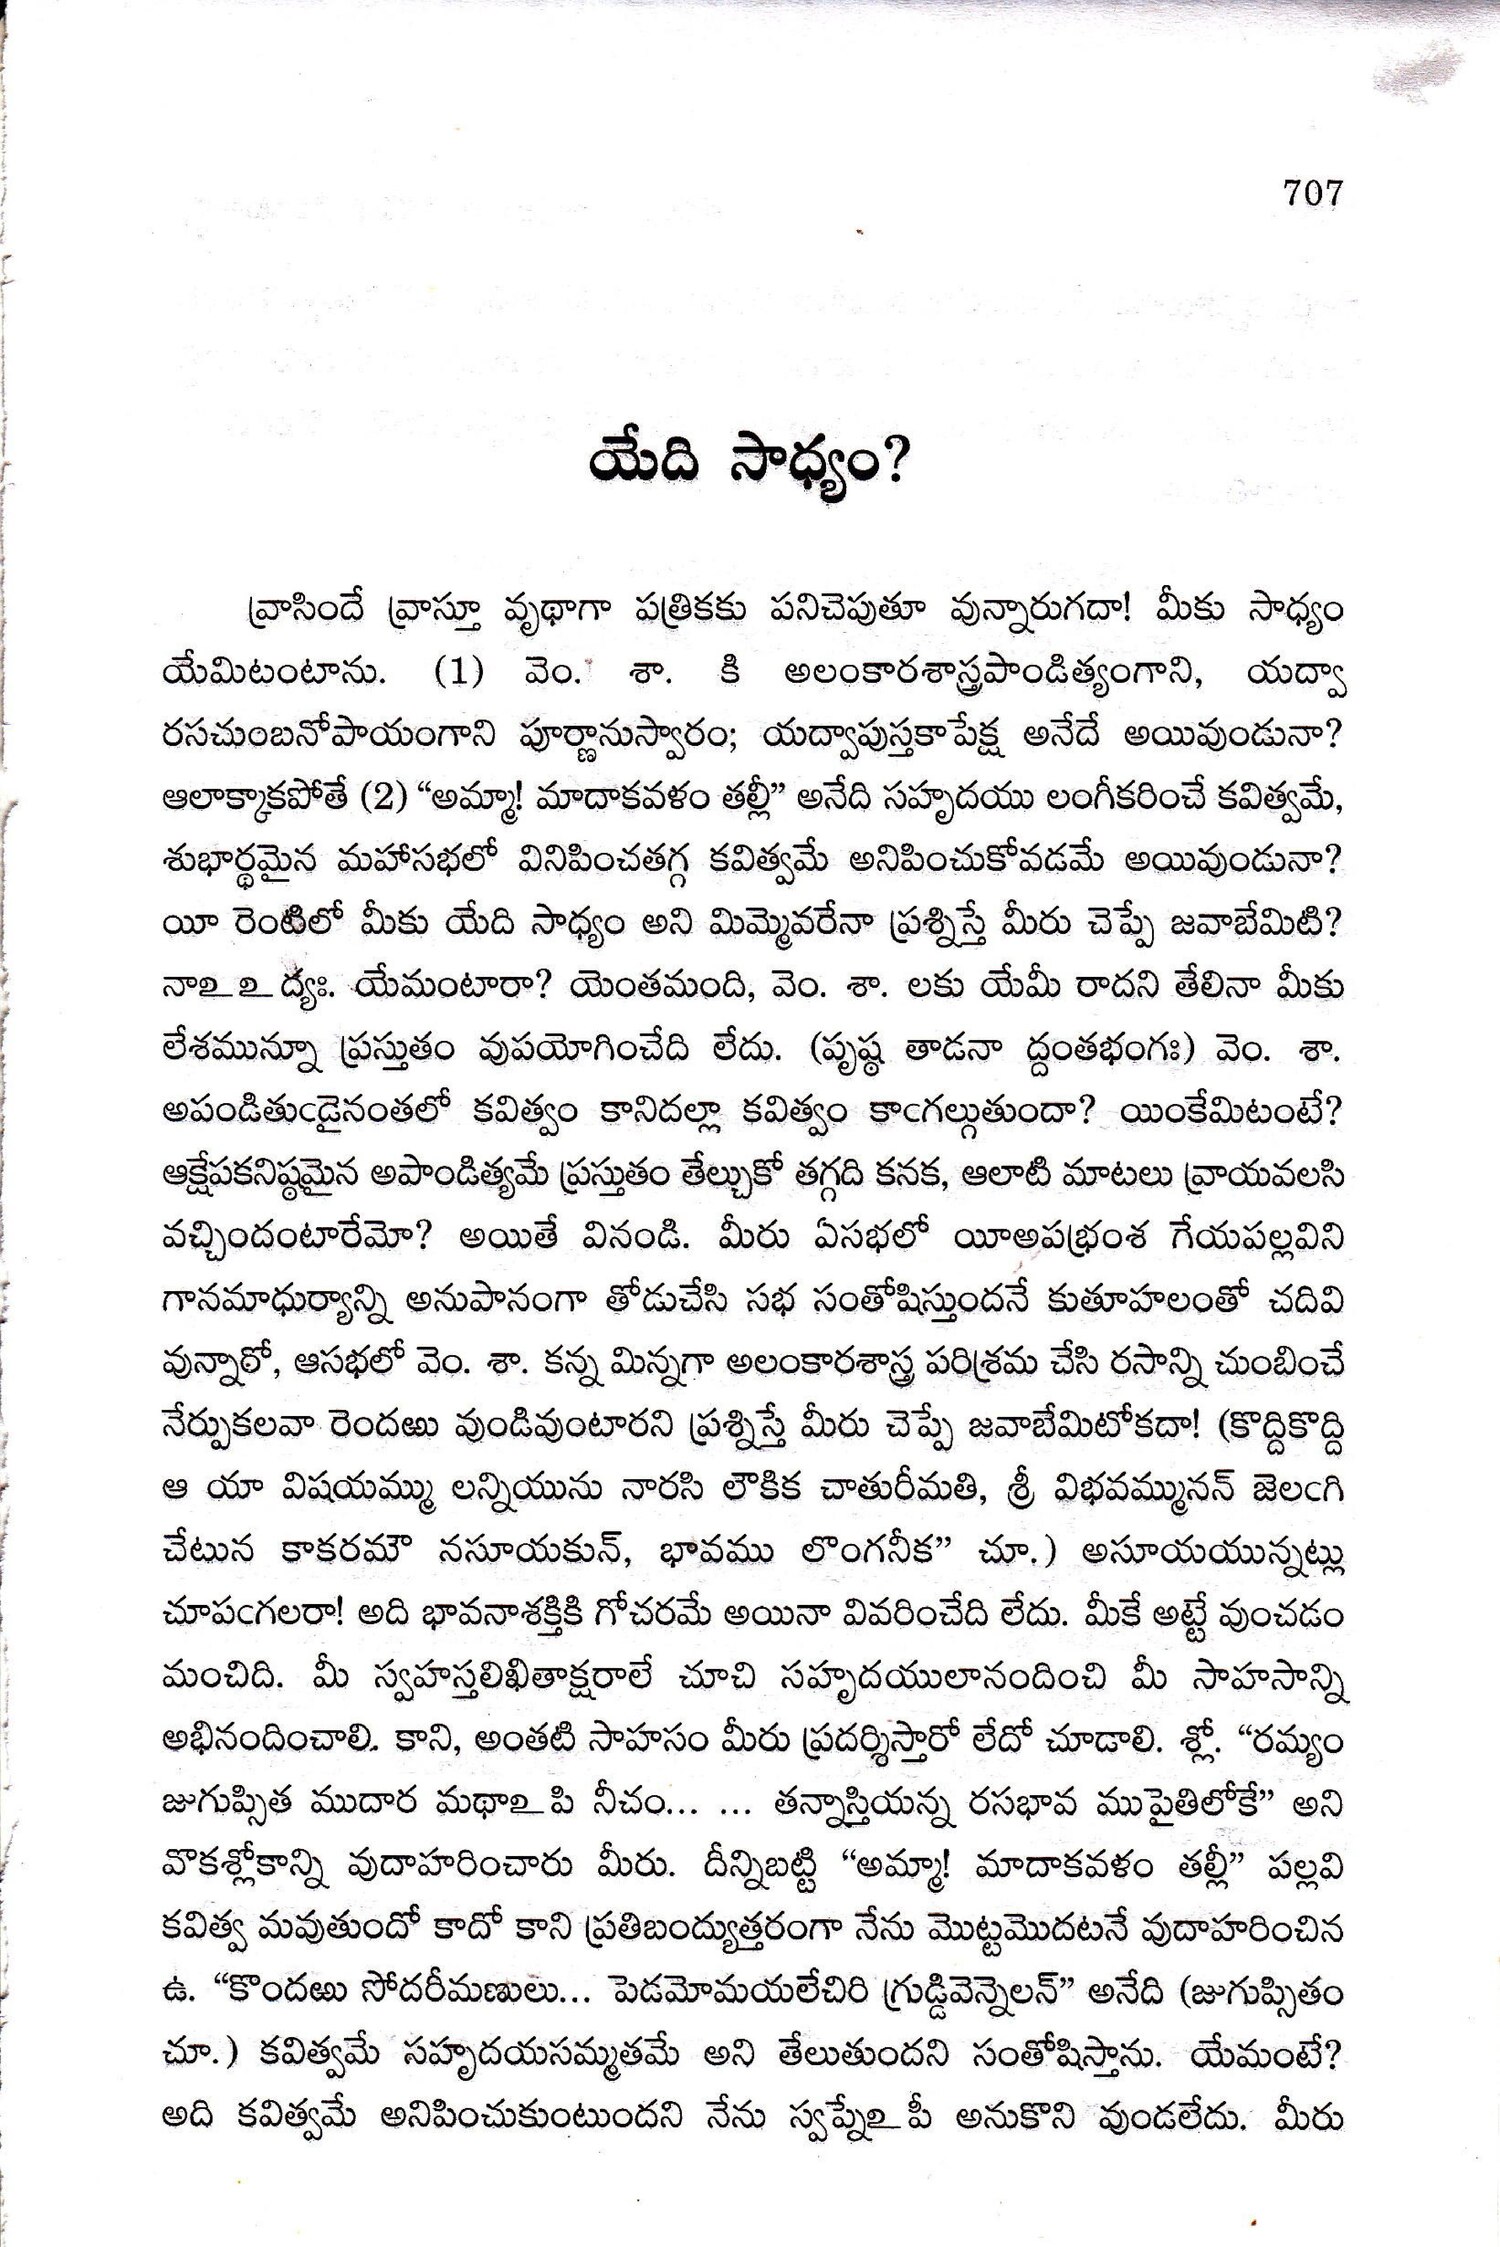యేది సాధ్యం?

వ్రాసిందే వ్రాస్తూ వృథాగా పత్రికకు పనిచెపుతూ వున్నారుగదా! మీకు సాధ్యం యేమిటంటాను. (1) వెం. శా. కి అలంకారశాస్త్రపాండిత్యంగాని, యద్వా రసచుంబనోపాయంగాని పూర్ణానుస్వారం; యద్వాపుస్తకాపేక్ష అనేదే అయివుండునా? ఆలాక్కాకపోతే (2) "అమ్మా! మాదాకవళం తల్లీ" అనేది సహృదయు లంగీకరించే కవిత్వమే, శుభార్థమైన మహాసభలో వినిపించతగ్గ కవిత్వమే అనిపించుకోవడమే అయివుండునా? యీ రెంటిలో మీకు యేది సాధ్యం అని మిమ్మెవరేనా ప్రశ్నిస్తే మీరు చెప్పే జవాబేమిటి? నా౽౽ద్యః. యేమంటారా? యెంతమంది, వెం. శా. లకు యేమీ రాదని తేలినా మీకు లేశమున్నూ ప్రస్తుతం వుపయోగించేది లేదు. (పృష్ఠ తాడనా ద్దంతభంగః) వెం. శా. అపండితుఁడైనంతలో కవిత్వం కానిదల్లా కవిత్వం కాఁగల్లుతుందా? యింకేమిటంటే? ఆక్షేపకనిష్ఠమైన అపాండిత్యమే ప్రస్తుతం తేల్చుకో తగ్గది కనక, ఆలాటి మాటలు వ్రాయవలసి వచ్చిందంటారేమో? అయితే వినండి. మీరు ఏసభలో యీఅపభ్రంశ గేయపల్లవిని గానమాధుర్యాన్ని అనుపానంగా తోడుచేసి సభ సంతోషిస్తుందనే కుతూహలంతో చదివి వున్నారో, ఆసభలో వెం. శా. కన్న మిన్నగా అలంకారశాస్త్ర పరిశ్రమ చేసి రసాన్ని చుంబించే నేర్పుకలవా రెందఱు వుండివుంటారని ప్రశ్నిస్తే మీరు చెప్పే జవాబేమిటోకదా! (కొద్దికొద్ది ఆ యా విషయమ్ము లన్నియును నారసి లౌకిక చాతురీమతి, శ్రీ విభవమ్మునన్ జెలఁగి చేటున కాకరమౌ నసూయకున్, భావము లొంగనీక" చూ.) అసూయయున్నట్లు చూపఁగలరా! అది భావనాశక్తికి గోచరమే అయినా వివరించేది లేదు. మీకే అట్టే వుంచడం మంచిది. మీ స్వహస్తలిఖితాక్షరాలే చూచి సహృదయులానందించి మీ సాహసాన్ని అభినందించాలి. కాని, అంతటి సాహసం మీరు ప్రదర్శిస్తారో లేదో చూడాలి. శ్లో "రమ్యం జుగుప్సిత ముదార మథా౽పి నీచం... ... తన్నాస్తియన్న రసభావ ముపైతిలోకే" అని వొక శ్లోకాన్ని వుదాహరించారు మీరు. దీన్నిబట్టి "అమ్మా! మాదాకవళం తల్లీ" పల్లవి కవిత్వమవుతుందో కాదో కాని ప్రతిబంద్యుత్తరంగా నేను మొట్టమొదటనే వుదాహరించిన ఉ. “కొందఱు సోదరీమణులు. పెడమోమయలేచిరి గ్రుడ్డివెన్నెలన్" అనేది (జుగుప్సితం చూ.) కవిత్వమే సహృదయసమ్మతమే అని తేలుతుందని సంతోషిస్తాను. యేమంటే? అది కవిత్వమే అనిపించుకుంటుందని నేను స్వప్నే౽పీ అనుకొని వుండలేదు. మీరు